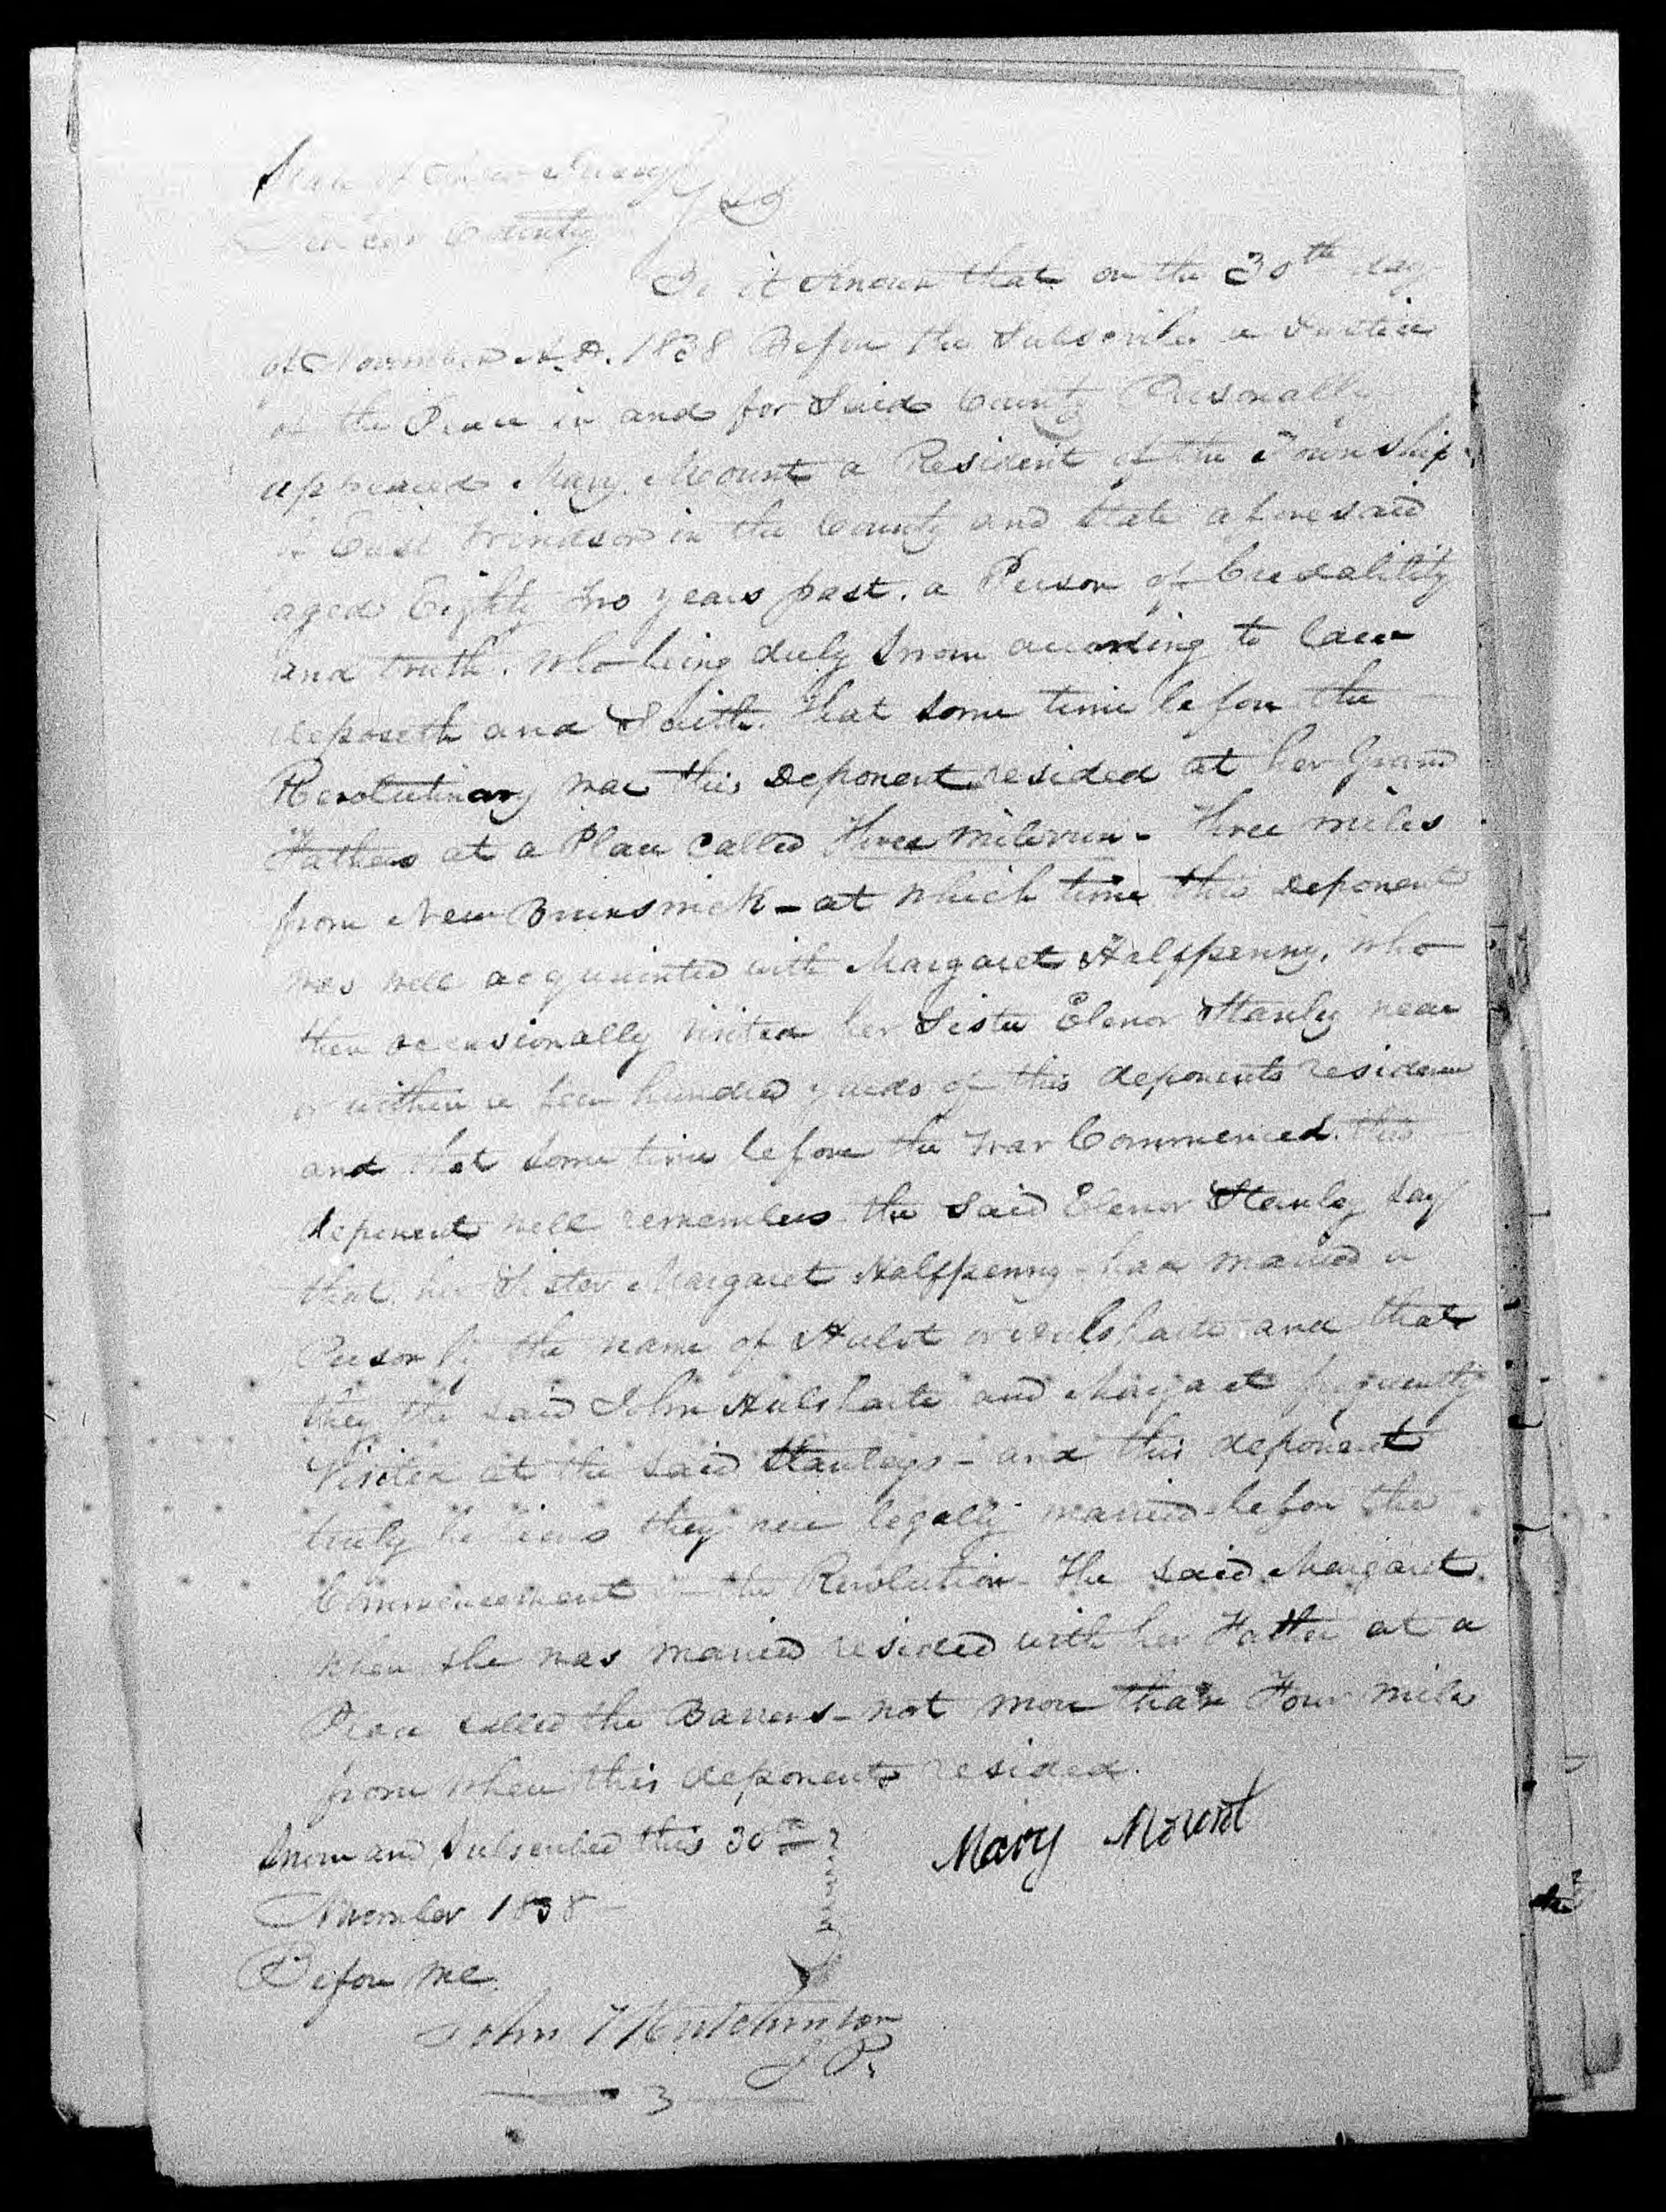State of New Jersey
Mercer County } SS
Be it known that on the 30th day of November A.D. 1838 Before the Subscriber a Justice of 
the Peace in and for said County Personally
Appeared Mary Mount a resident of the Township of East Windsor in the County and State aforesaid aged Eighty two years past, a person of Credability [credibility] and truth who being duly sworn according to law deposeth and saith. That some time before the
Revolutionary wars this deponent resided at her GrandFathers at a place called Three Miles View- three miles from New Brunswick- at which time this deponent was well acquainted with Margaret Halfpenny, who then occasionally visited her Sister Elenor Stanley near or within a few hundred yards of this deponents residence
and that some time before the war Commenced this deponent well remembers the said Elenor Stanley say that hers sister Margaret Halfpenny had married a person by the name of Hulst or Hulshart and that they the said John Holshart and Margaret frequently visited at the said Stanleys- and this deponent truly believes they were legally married before the Commencement of the Revolution. The said Margaret when she was married resided with her Father at a place 
called the Barrens- not more than four mile
from where this deponent resided.
Mary Mount

Sworn and Subscribed this 30th
November 1838-
Before me
John T. Hutchinson J.P.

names: Margaret Halfpenny, John Hulsharte, Stanley, Elenor Stanly, Hulst, John T Hutchinson, Hulsharte, Mary Mount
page: 33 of 34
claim: widow's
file: W. 940, John Hulshart, New Jersey